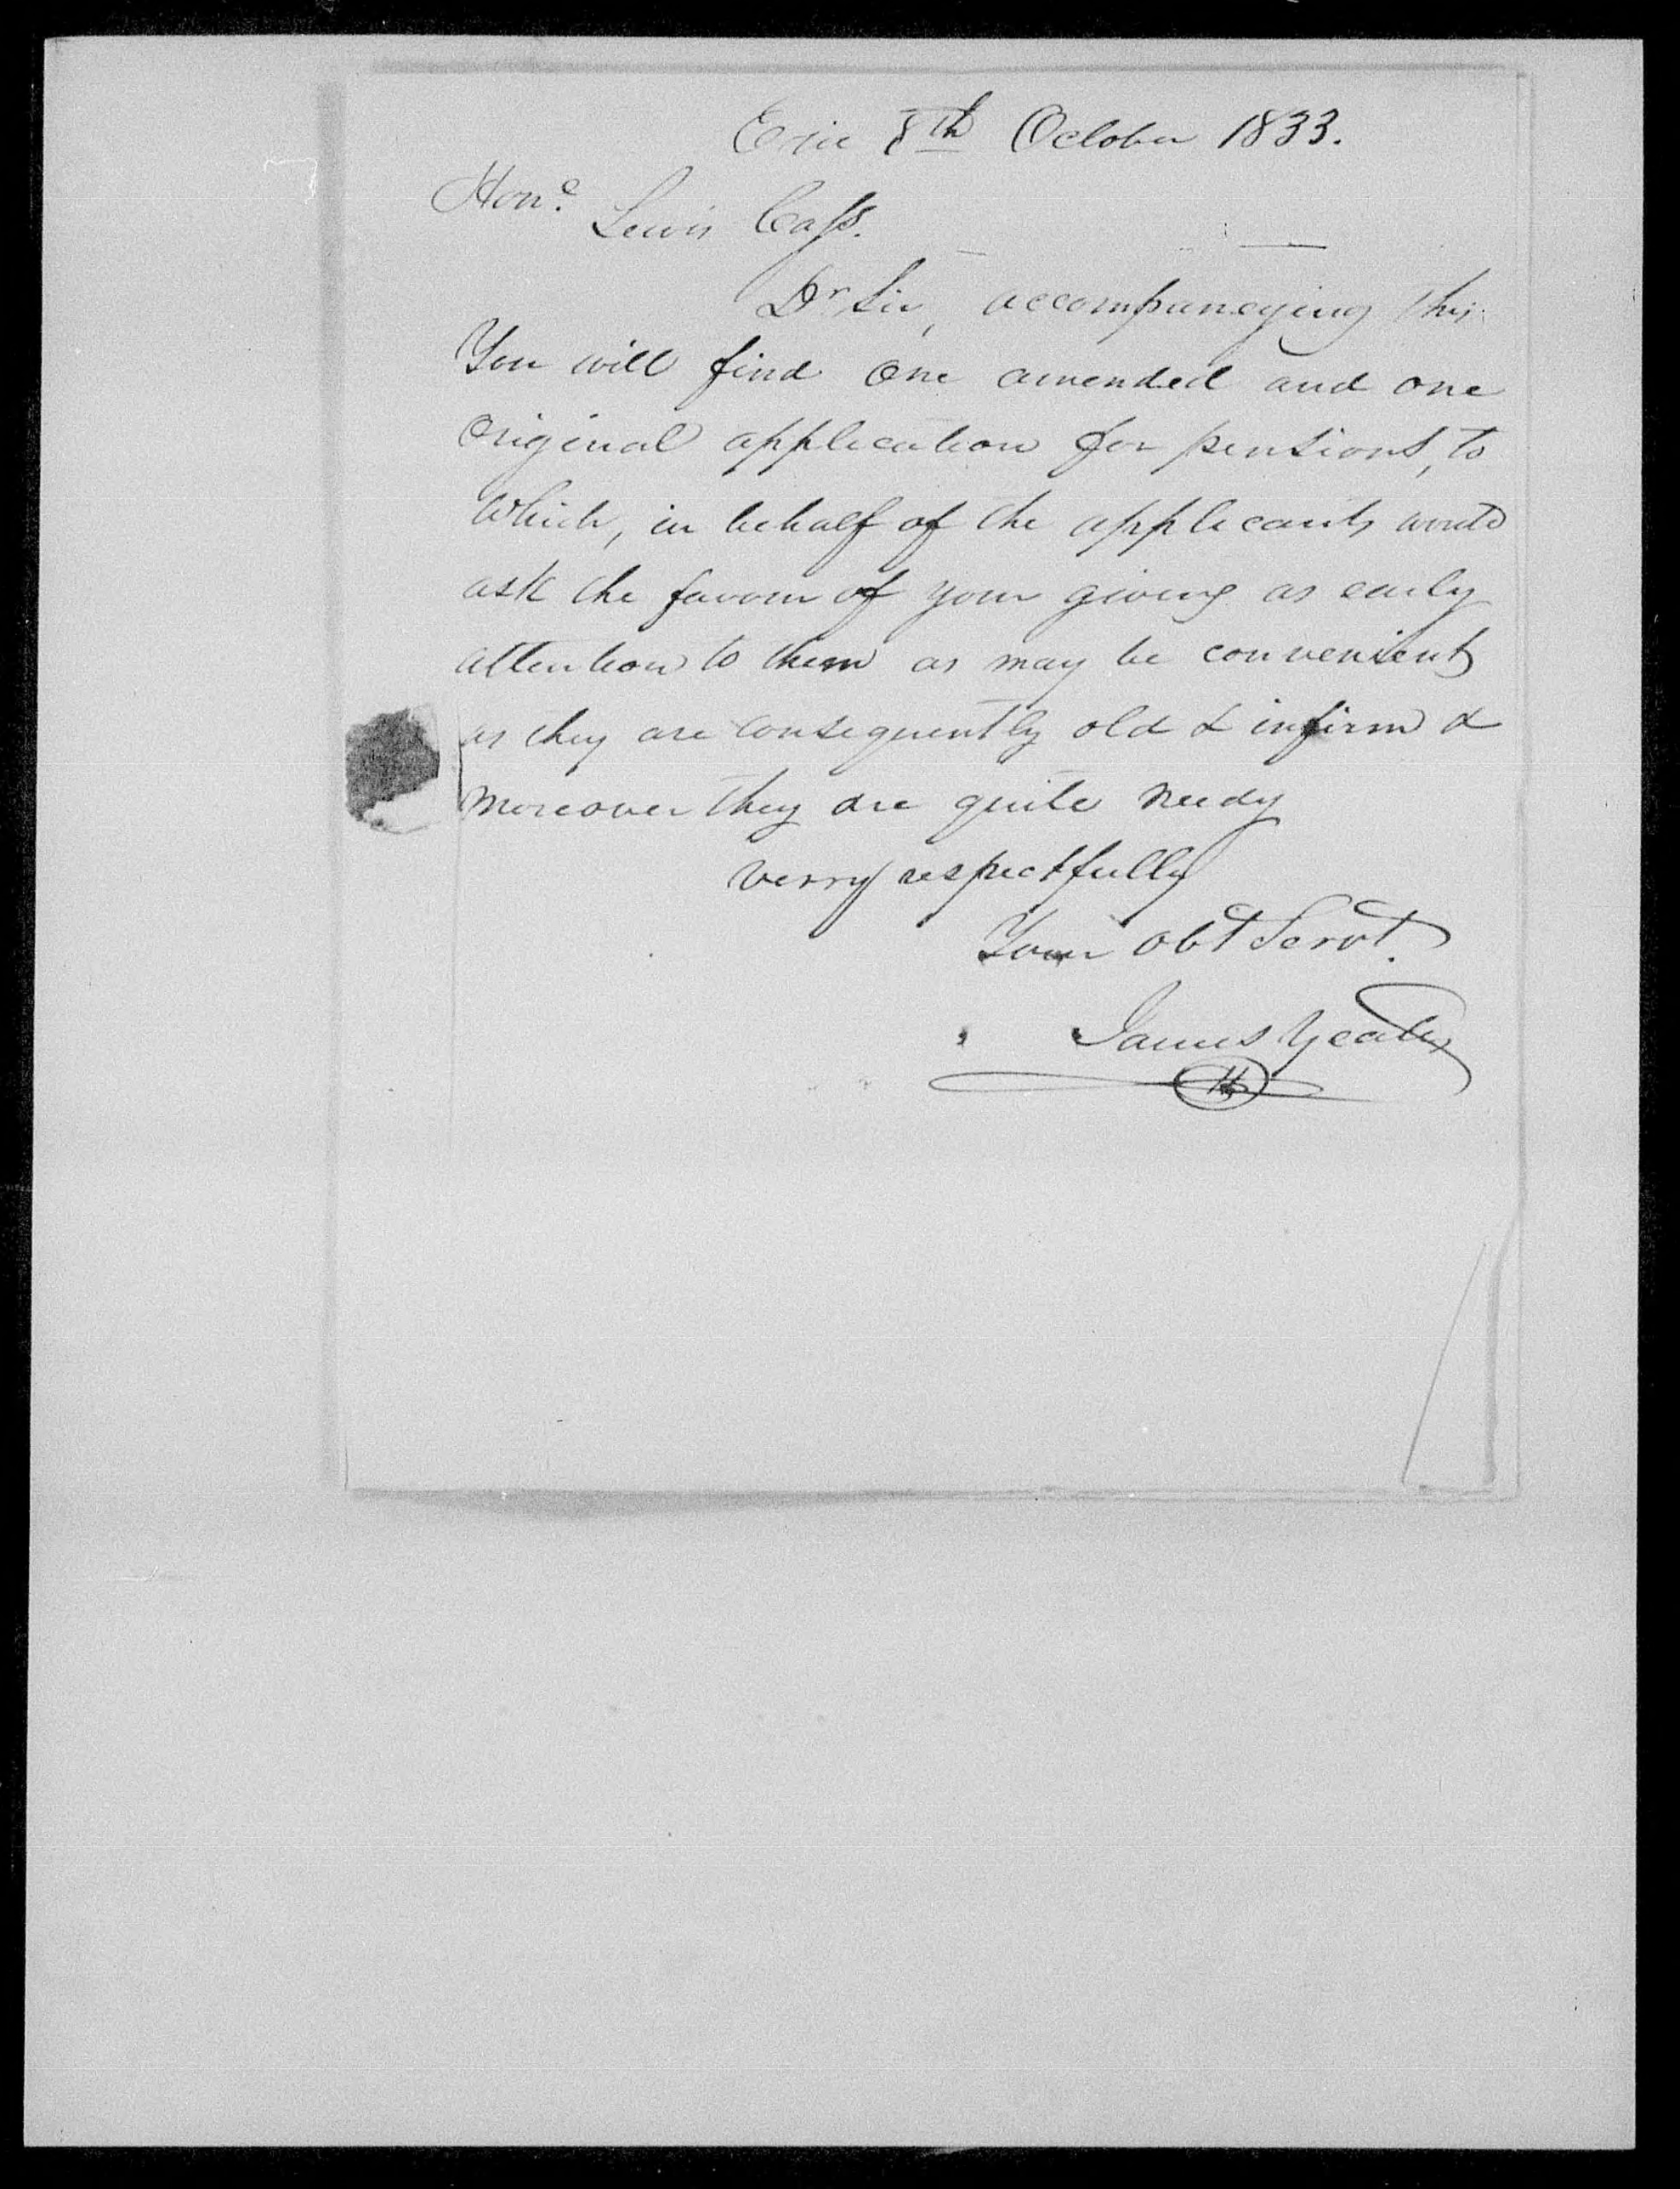Erie 8th October 1833

Hon. Lewis Cass
Dr Sir, accompanying this You will find one amended and one Original application for pensions to which, in behalf of the applicants would ask the favour of your giving as early
attention to them as may be convenient as they are consequently old & infirm & moreover they are quite needy

Verry respectfully Your obt servt
James Yeates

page: 15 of 45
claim: survivor's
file: S. 13,890, for James Mc Carter, South Carolina